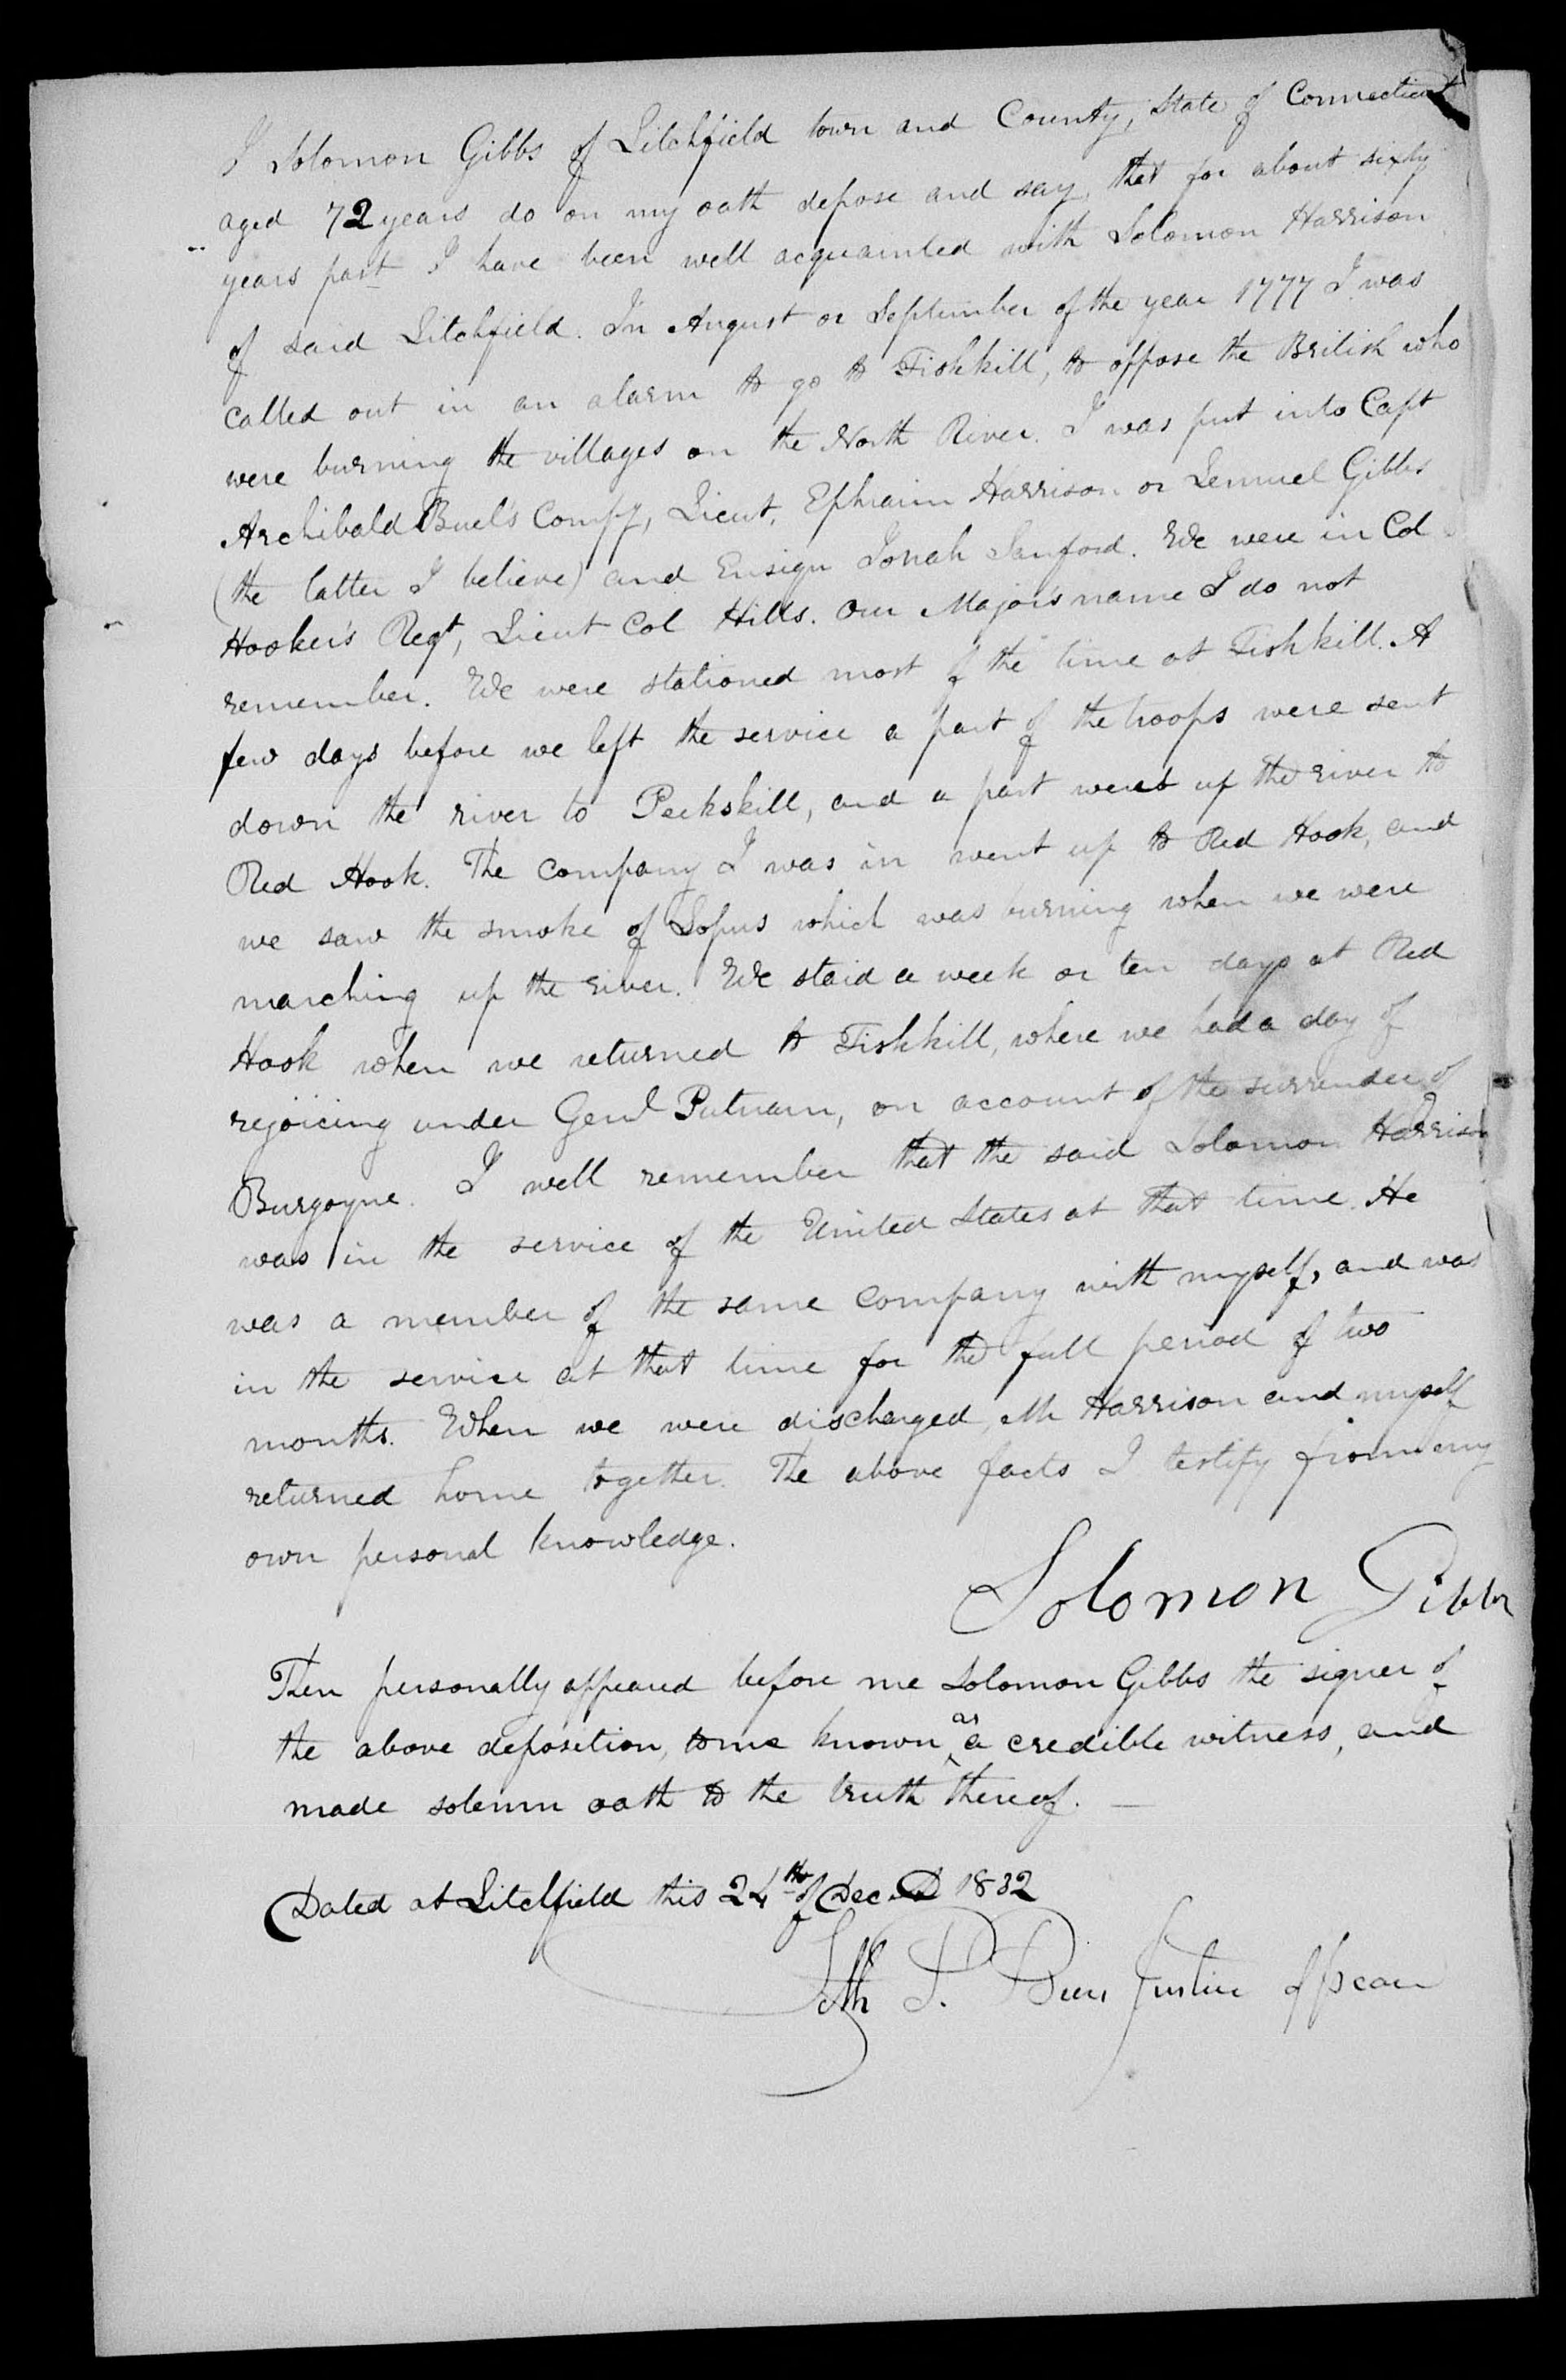I Solomon Gibbs of Litchfield town and County, State of Connecticut aged 72 years do on my oath depose and say, that for about sixty years past I have been well acquainted with Solomon Harrison of said Litchfield. In August or September of the year 1777 I was called out in an alarm to go to Fishkill, to oppose the British who were burning the villages on the North River. I was put into Capt Archibald Buel's Compy, Lieut. Ephraim Harrison or Samuel Gibbs (the latter I believe) and Ensign Jonah Sanford. We were in Col Hooker's Regt, Lieut Col Hills. Our major's name I do not remember. We were stationed most of the time at Fishkill. A few days before we left the service a part of the troops were sent down the river to Peekskill, and a part went up the river the Red Hook. The company I was in went up to Red Hook, and we saw the smoke of Sossus which was burning when we were marching up the river. We staid a week or ten days at Red Hook when we returned to Fishkill, where we had a day of rejoicing under Genl Putnam, on account of the surrender of Burgoyne. I well remember that the said Solomon Harrison was in the service of the United States at that time. He was a member of the same company with myself, and was in the service at that time for the full period of two months. When we were discharged, Mr Harrison and myself returned home together. The above facts I testify from my own personal knowledge.
Solomon Gibbs
Then personally appeared before me Solomon Gibbs the signer of the above deposition, to me know as a credible witness, and made solemn oath to the truth thereof
Dated at Litchfield this 24th of Dec AD 1832
the Seth P. Beers Justice of peace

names: Solomon Gibbs, Hills, Jonah Sanford, Solomon Gibbs, Putnam, Solomon Gibbs, Burgoyne, Seth P Beers, Ephraim Harrison, Solomon Harrison, Harrison, Lemuel Gibbs, Solomon Harrison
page: 21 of 22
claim: survivor's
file: S. 16137, Solomon Harrison, Conn.